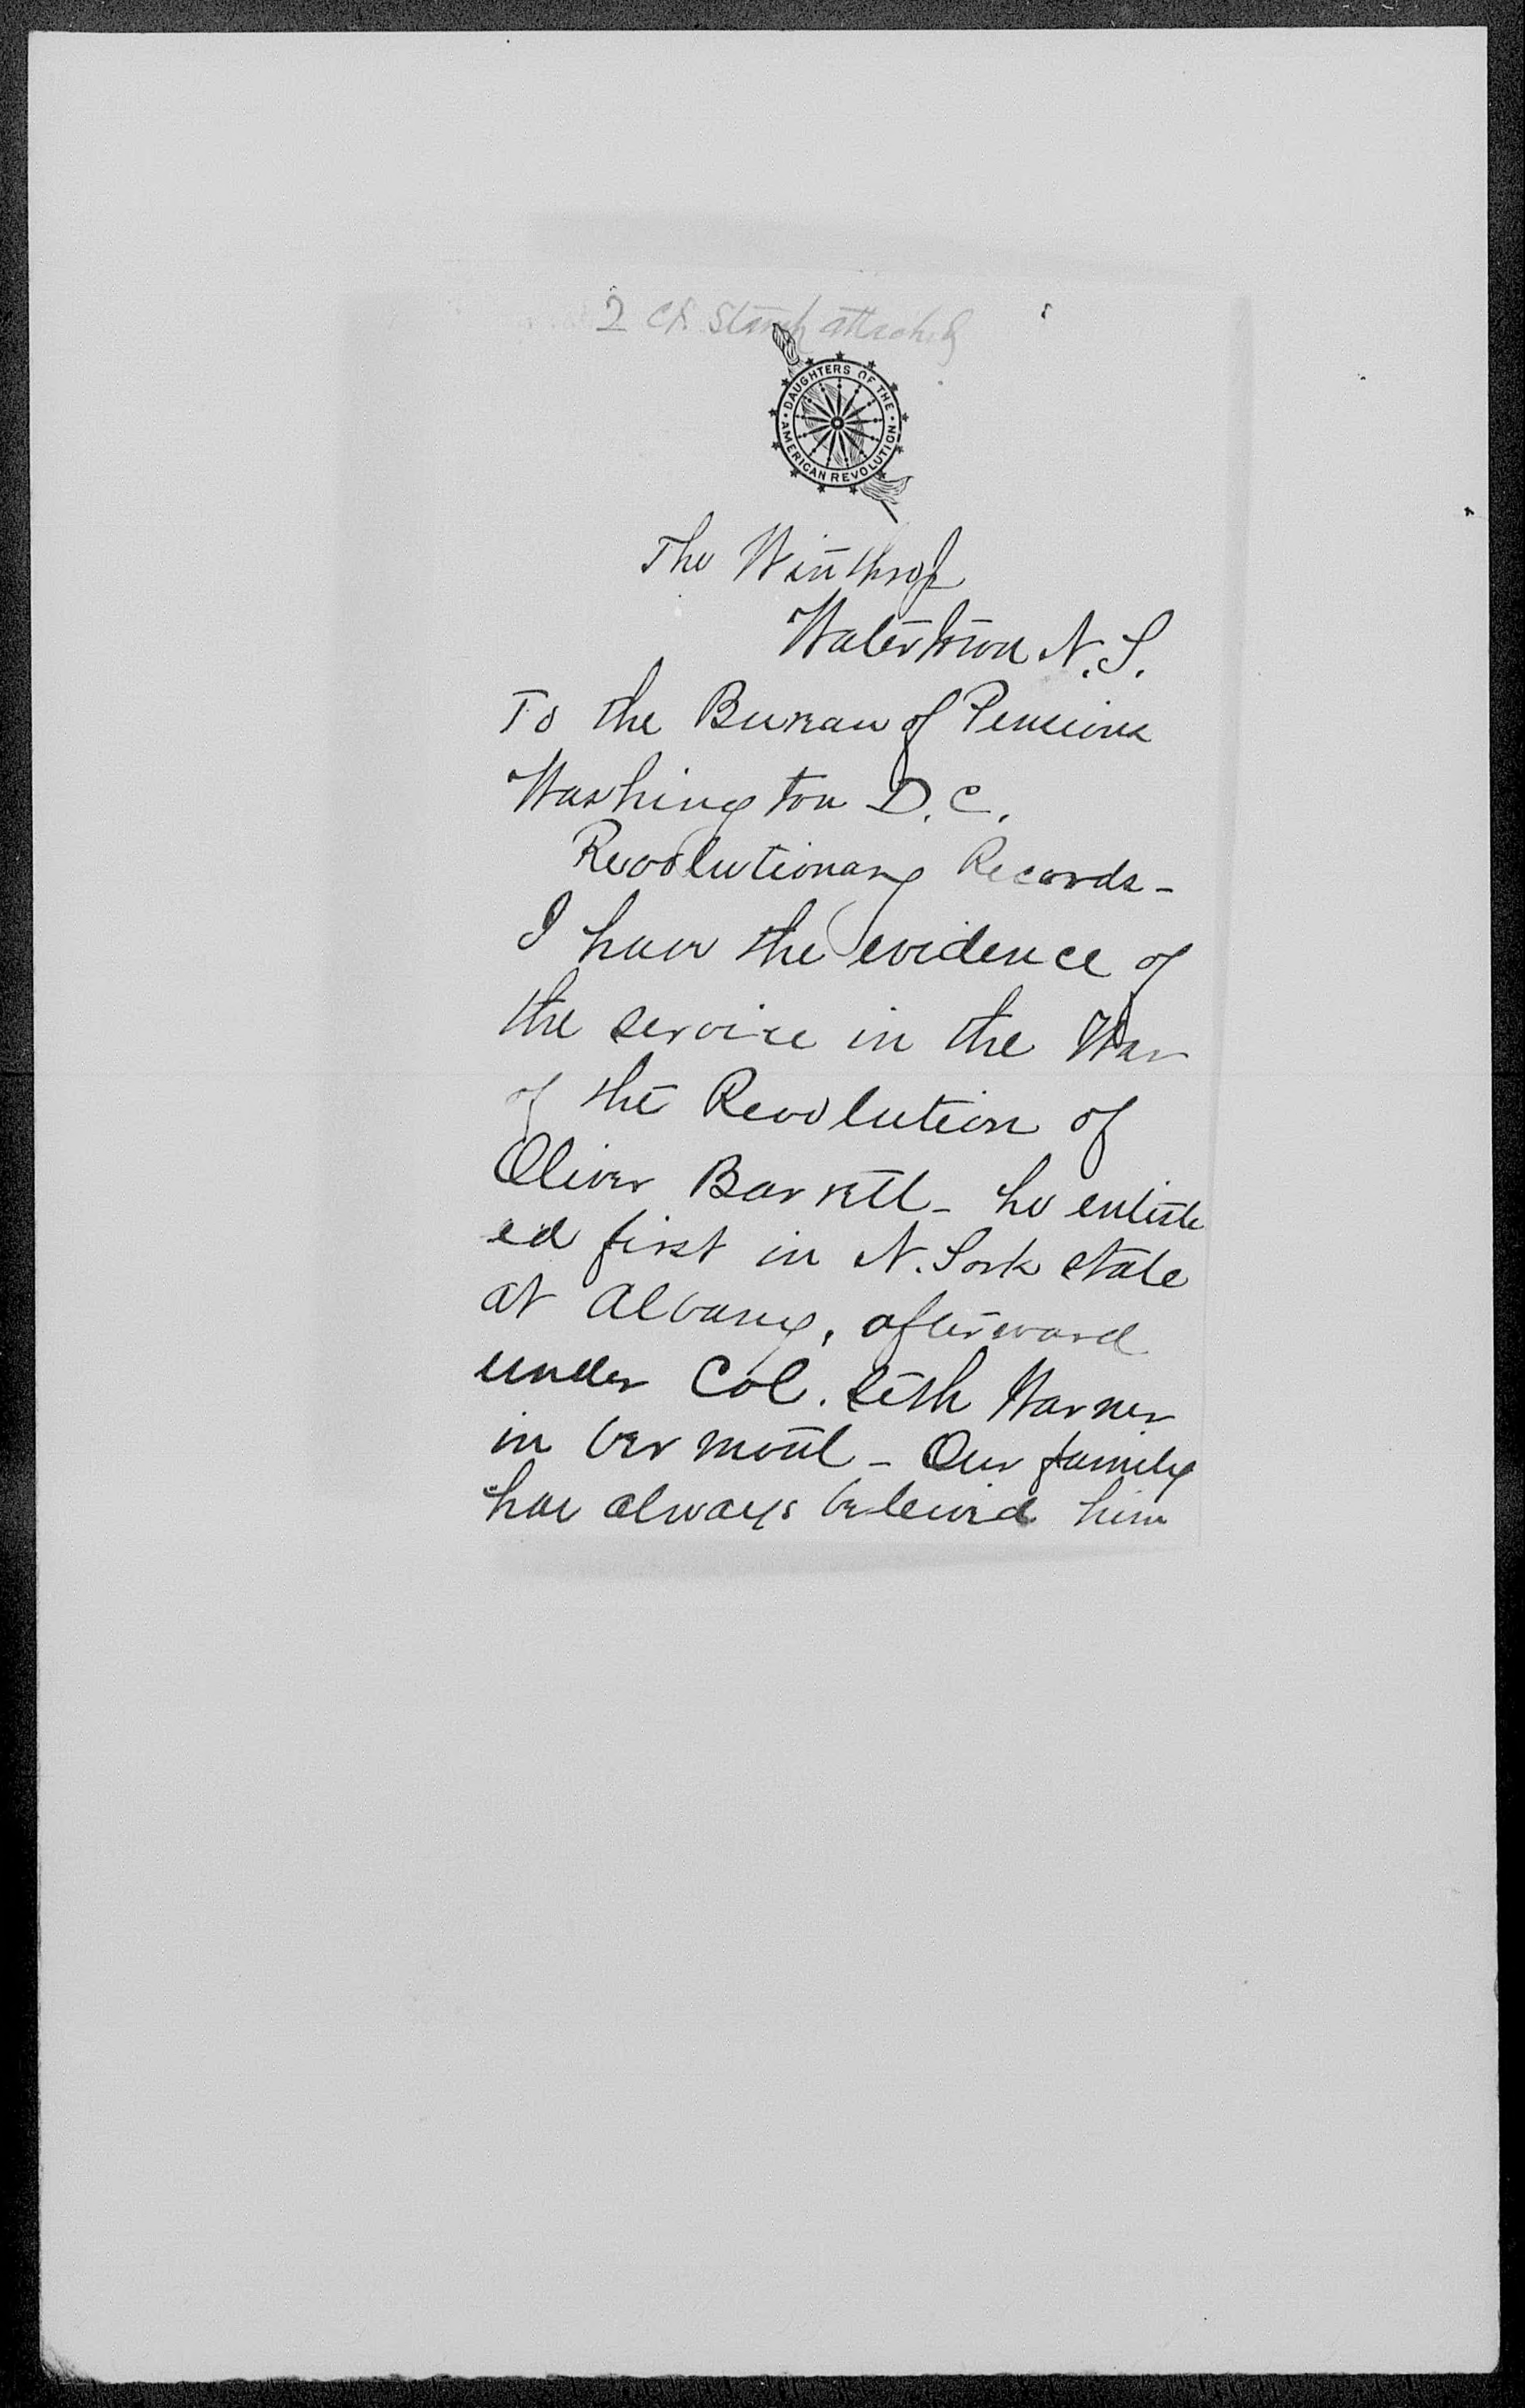2 Cr Starch attached

Daughters of the American Revolution

Tho Winthrop 
Watertown NY
To the Bureau of Pensions
Washington D.C.
Revolutionary Records

I have the evidence of the service of the War of the Revolution for Oliver Barrett. He enlisted first in N. York State at Albany, afterward under Col. Seth Warner in Vermont. Our family has always believed him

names: Oliver Barrett, Seth Warner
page: 70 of 83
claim: widow's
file: W. 10,384, Oliver Barrett, Continental (Vt.) N.Y.